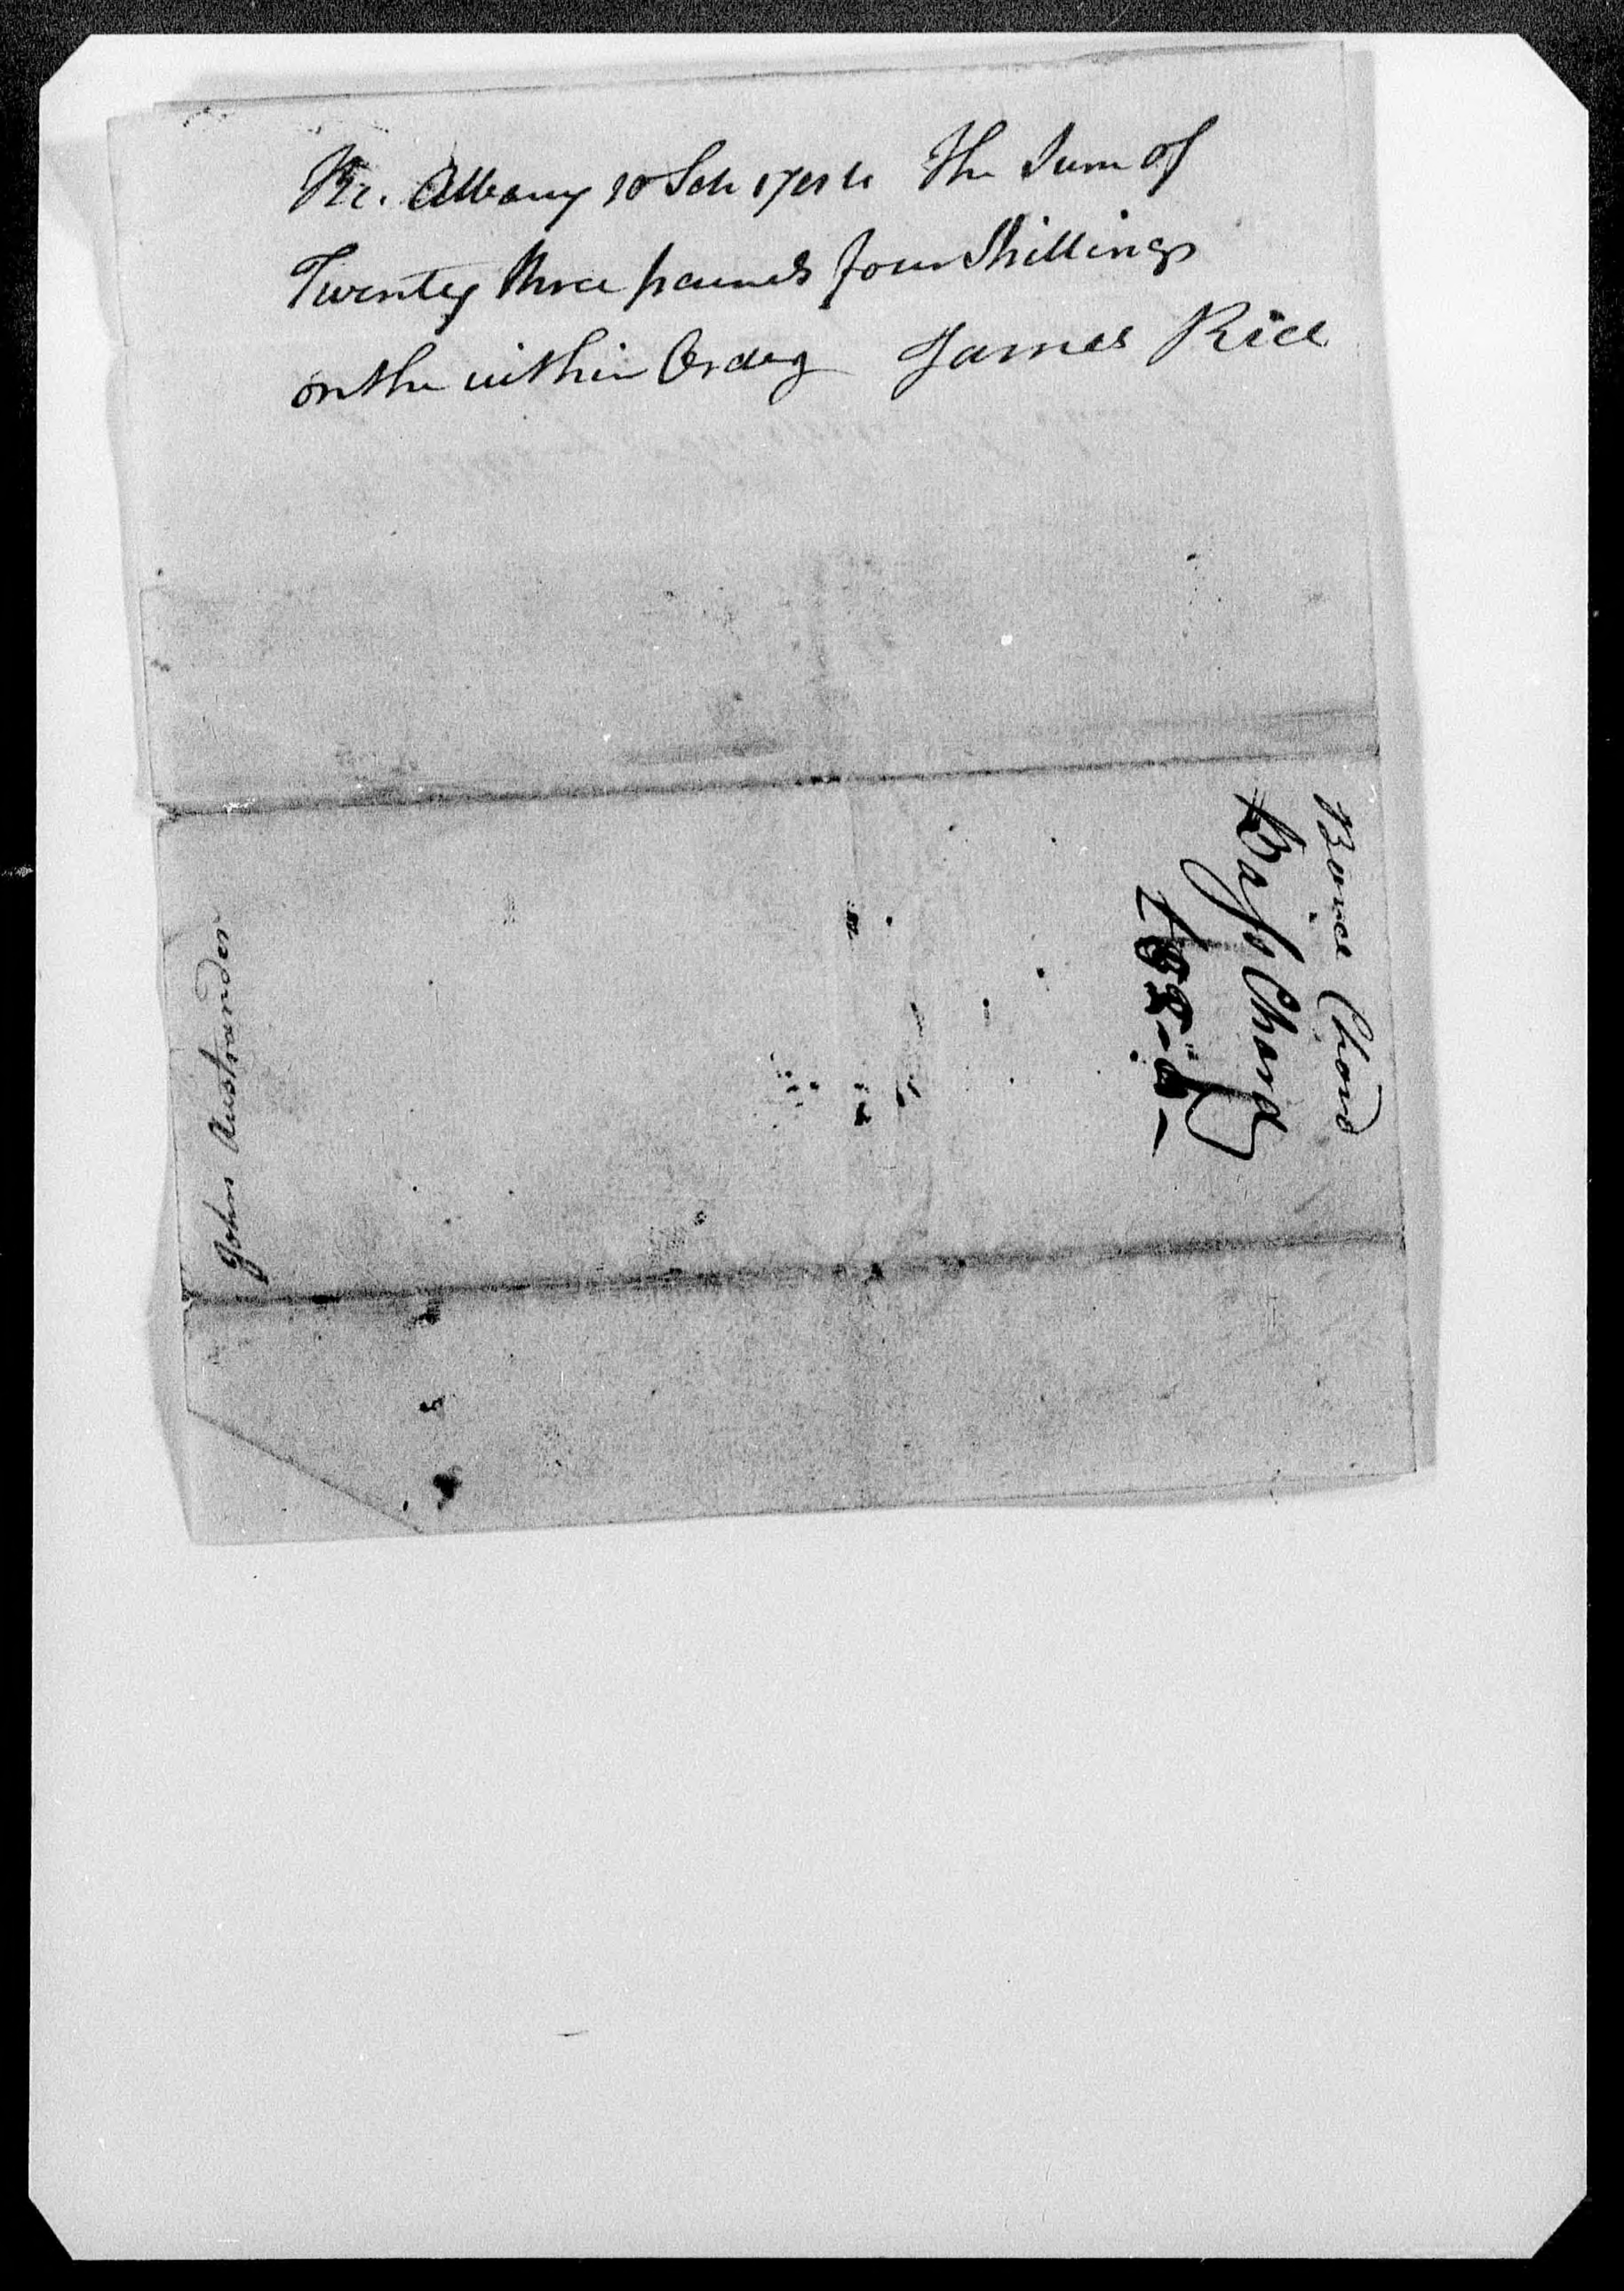Br. Albany [Illegible] The sum of Twenty three pounds 
four Shillings on the within Order
{Signed] James Rice

Crosswise:
Barce Chard
Baso [?] Chard
[illegible]
John Austrander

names: Bass Chard, James Rice, Barce Chard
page: 46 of 47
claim: widow's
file: W. 10,602, Barce Chard, New York.